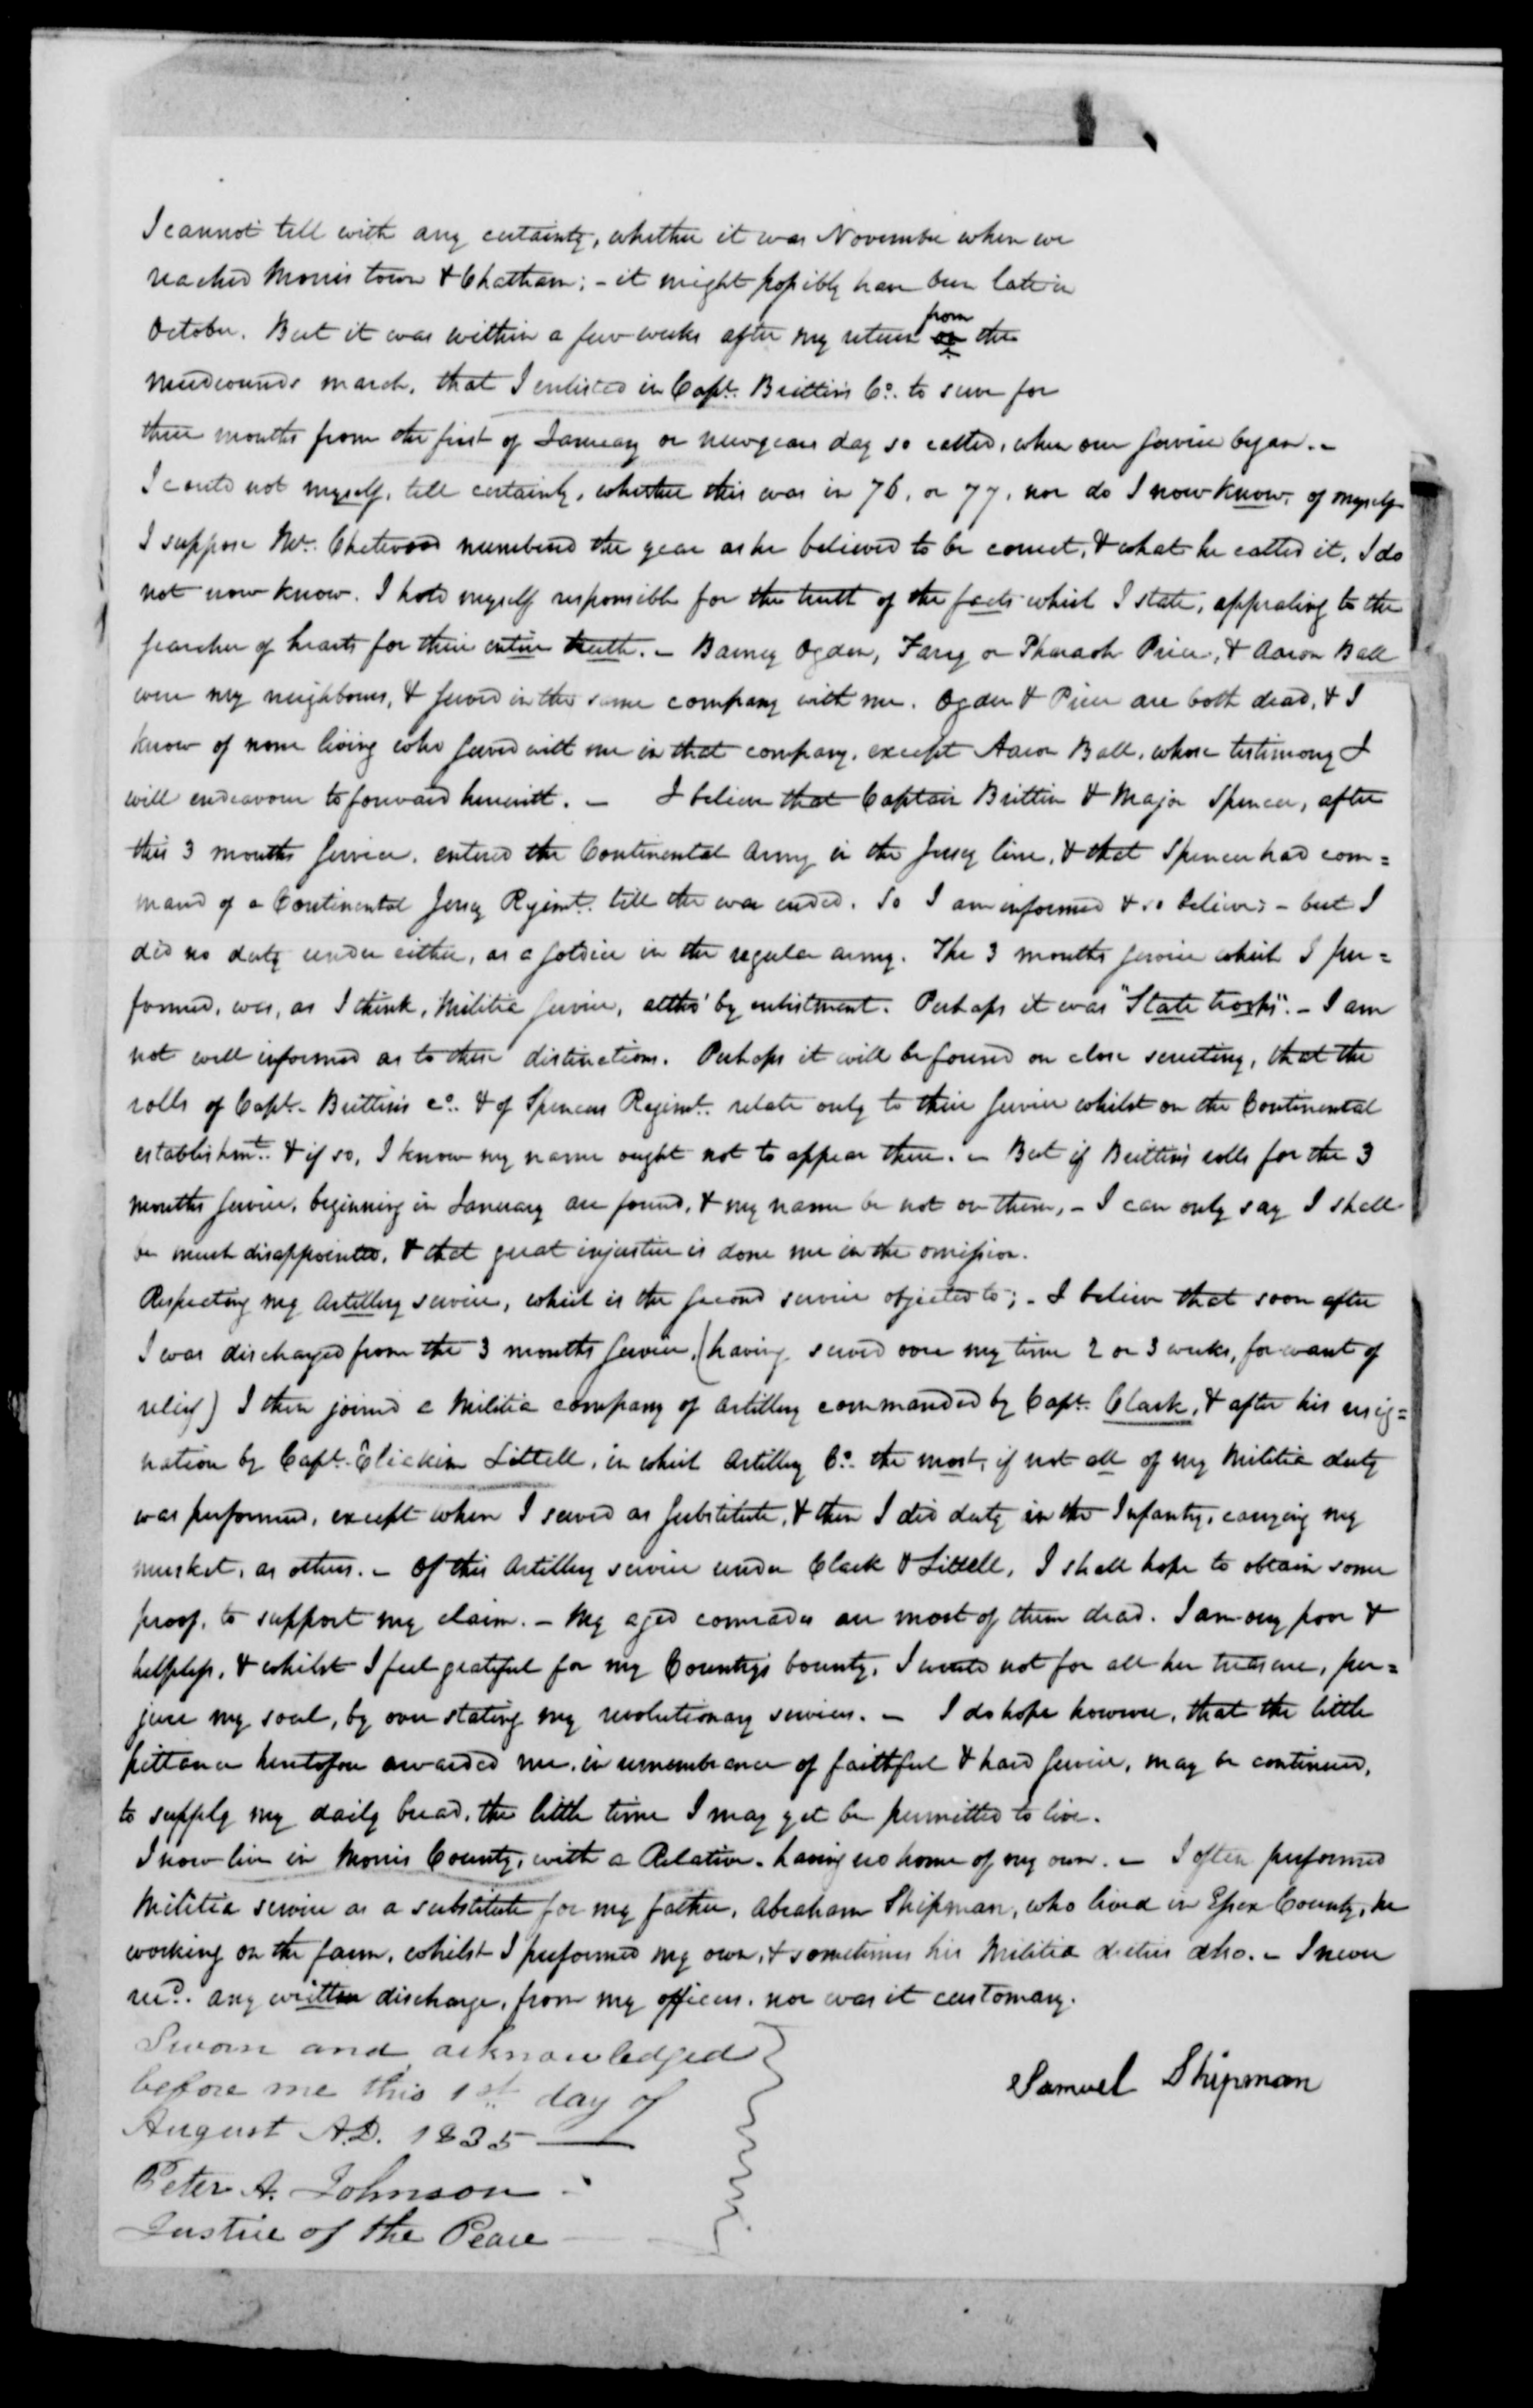I cannot tell with any certainty, whether it was November when we reached Morris town & Chatham; it might possibly have been late in
October. But it was within a few weeks after my return from the Mudrounds March, that I enlisted in Capt Brittin's Co. to serve for three months from the first of January or New years day so called, when one service began.- I 
could not myself, tell certainly, whether this was in 1776, or 77, nor do I now know of myself.  I suppose Mr Chetwood numbered the year as he believed to be correct, & what he called it, I do not now know. I hold myself responsible for the truth of the facts which I state, appealing to the
searcher of hearts for their entire truth.-- Barney Ogden, Farry or Pharaoh Price, & Aaron Ball were my neighbors, & served in the same company with me. Ogden & Price are both dead, & I know of none living who served with me in that company, except Aaron Ball, whose testimony I will endeavour to forward herewith.-- I believe that Captain Brittin & Major Spencer, after this 3 months service, entered the Continental Army in the Jersey line, & that Spencer had command of a Continental Jersey Regiment till the war ended. So I am informed & believe; but I did no duty under either, as a soldier in the regular army. The 3 months service which I performed, was, as I think, Militia service, altho' by enlistment. Perhaps it was "State Troops"/-  - I am not well informed as to their distinctions. Perhaps it will be found on close scrutiny, that the rolls of Capt Brittin's Co. & of Spencers Regimt. relate only to their service whilst on the Continental establishmt. & if so, I know my name ought not to appear there. But if Brittin's rolls for the 3 months service, beginning in January are found, & my name be not on them, I can only say I shall be
much disappointed, & that great injustice is done me in the omission.

Respecting my artillery service, which is the second service objected to; I believe that soon after I was discharged from the 3 months service, (having served on my time 2 or 3 weeks, for want of relief) I then joined a Militia company of artillery commanded by Capt Clark, & after his resignation by Capt Eliekim Littell, in which Artillery Co. the most, if not all of my  militia duty was performed, except when I served as Substitute, & then I did duty in the Infantry, carrying my musket, as others.- Of this artillery service under Clark & Littell, I shall hope to obtain some proof to support my claim. My aged comrades are most of the dead. I am very poor & helpless, & whilst I feel grateful for my country's bounty, I would not for all her treasure, perjure my soul, by over stating my revolutionary services. I do hope however, that the little pittance heretofore awarded me in remembrance of faithful & hard service, may be continued, to supply my daily bread, the little time I may yet be permitted to live.

I now live in Morris County, with a relative, having no home of my own. I often performed
Militia service as a substitute for my father. Abraham Shipman, who lived in Essex County, he working on the farm, whilst I performed my own, & sometimes his militia also. I never recd. 
any written discharge, from my officers, nor was it customary.
Samuel Shipman

Sworn and acknowledged
before me this 1st day of
August A.D. 1835--
Peter A. Johnson
Justice of the Peace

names: [BLANK] Spencer; [BLANK] Clark; [BLANK] Spencer; Abraham Shipman; [BLANK] Ogdee; Farry Price; Samuel Shipman; Pharaoh Price; [BLANK] Brittin; Eliekim Littell; Barney Ogden; [BLANK] Littell; Aaron Ball; Peter A Johnson; [BLANK] Clark; [BLANK] Price; [BLANK] Chetwood; Aaron Ball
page: 37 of 44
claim: survivor's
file: S. 912, for Samuel Shipman, New Jersey